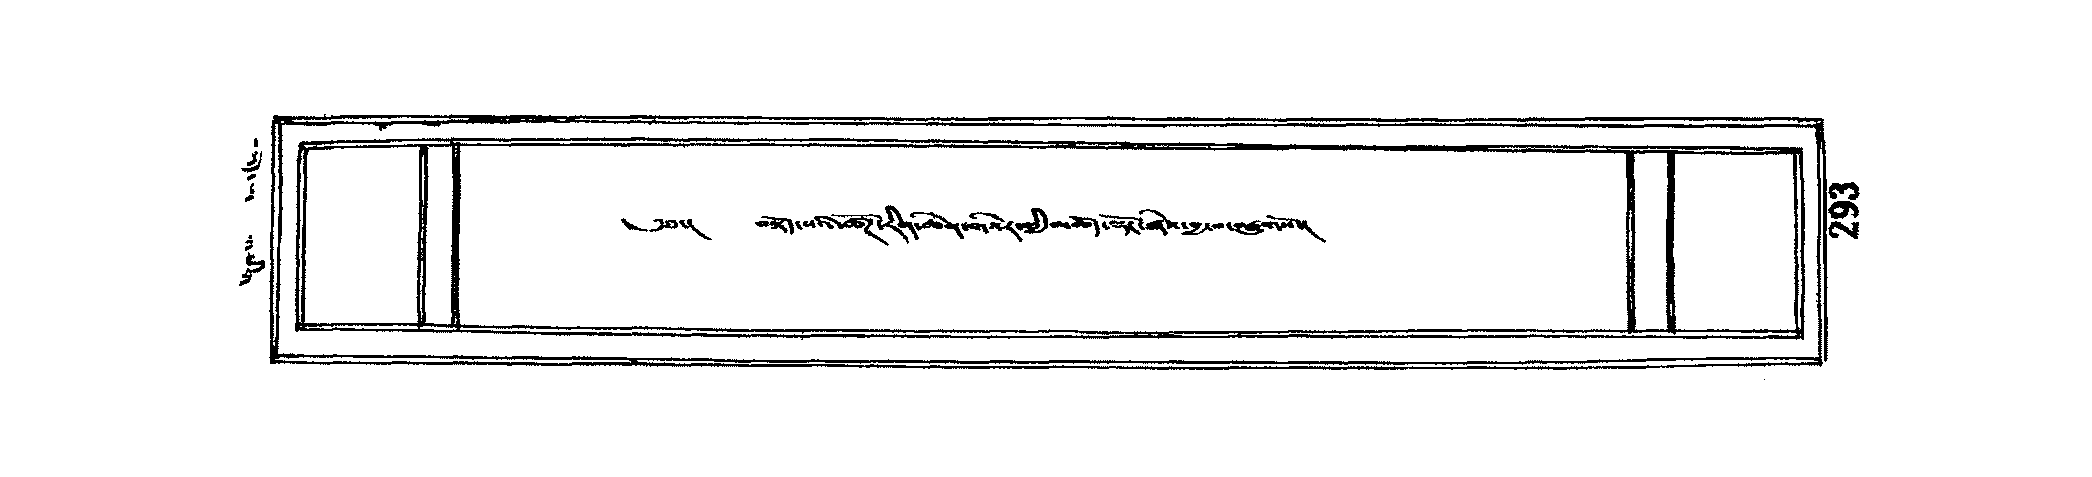༄༅། བསྟོད་པའི་ཚོགས་རིན་ཆེན་གསེར་གྱི་མཆོད་སྡོང་ཞེས་བྱ་བ་བཞུགས་སོ།།